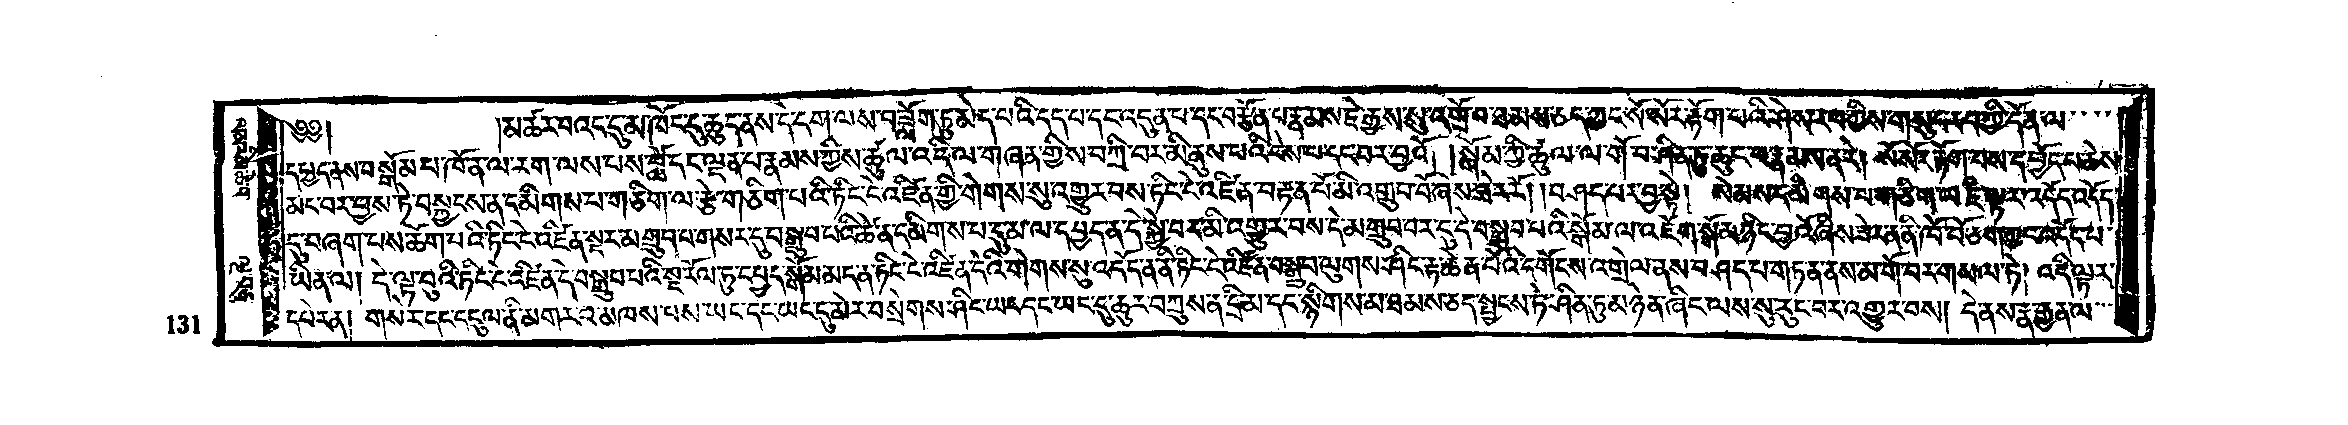༄༅། །མཚར་བའང་དུ་མ་ཁོང་དུ་ཆུད་ནས་དེ་དག་ལས་བཟློག་ཏུ་མེད་པའི་དད་པ་དང་འདུན་པ་དང་བརྩོན་པ་རྣམས་ཇི་རྒྱས་སུ་འགྲོ་བ་ཐམས་ཅད་ཀྱང་སོ་སོར་རྟོག་པའི་ཤེས་རབ་ཀྱིས་གསུང་རབ་ཀྱི་དོན་ལ་
དཔྱད་ནས་བསྒོམ་པ་ཁོ་ན་ལ་རག་ལས་པས་བློ་དང་ལྡན་པ་རྣམས་ཀྱིས་ཚུལ་འདི་ལ་གཞན་གྱིས་བཀྲི་བར་མི་ནུས་པའི་ངེས་པ་དང་བར་བྱའོ། །སྒོམ་གྱི་ཚུལ་ལ་གོ་བ་ཤིན་ཏུ་ཆུང་བ་རྣམས་ན་རེ། སོ་སོར་རྟོག་པས་དཔྱོད་པ་ཆེས་
མང་བར་བྱས་ཏེ་བསྐྱངས་ན་དམིགས་པ་གཅིག་ལ་རྩེ་གཅིག་པའི་ཏིང་ངེ་འཛིན་གྱི་གེགས་སུ་འགྱུར་བས་ཏིང་ངེ་འཛིན་བརྟན་པོ་མི་འགྲུབ་བོ་ཞེས་ཟེར་རོ། །བཤད་པར་བྱ་སྟེ། སེམས་དམིགས་པ་གཅིག་ལ་ཇི་ལྟར་འདོད་འདོད་
དུ་བཞག་པས་ཆོག་པའི་ཏིང་ངེ་འཛིན་སྔར་མ་གྲུབ་པ་གསར་དུ་བསྒྲུབ་པའི་ཚེ་ན་དམིགས་པ་དུ་མ་ལ་དཔྱད་ན་དེ་སྐྱེ་བར་མི་འགྱུར་བས་དེ་མ་གྲུབ་པར་དུ་དེ་བསྒྲུབ་པའི་སྒོམ་ལ་འཇོག་སྒོམ་ཉིད་བྱའོ་ཞེས་ཟེར་ན་ནི་ཁོ་བོ་ཅག་ཀྱང་འདོད་པ་
ཡིན་ལ། དེ་ལྟ་བུའི་ཏིང་ངེ་འཛིན་དེ་བསྒྲུབ་པའི་སྔ་རོལ་ཏུ་དཔྱད་སྒོམ་མང་ན་ཏིང་ངེ་འཛིན་དེའི་གེགས་སུ་འདོད་ན་ནི་ཏིང་ངེ་འཛིན་བསྒྲུབ་ལུགས་ཤིང་རྟ་ཆེན་པོའི་དགོངས་འགྲེལ་ནས་བཤད་པ་གཏན་ནས་མ་གོ་བར་གསལ་ཏེ། འདི་ལྟར་
དཔེར་ན། གསེར་དང་དངུལ་ནི་མགར་བ་མཁས་པས་ཡང་དང་ཡང་དུ་མེར་བསྲེགས་ཤིང་ཡང་དང་ཡང་དུ་ཆུར་བརྐུས་ན་དྲི་མ་དང་སྙིགས་མ་ཐམས་ཅད་སྦྱང་ཏེ་ཤིན་ཏུ་མཉེན་ཞིང་ལས་སུ་རུང་བར་འགྱུར་བས། དེ་ནས་རྣ་རྒྱན་ལ་